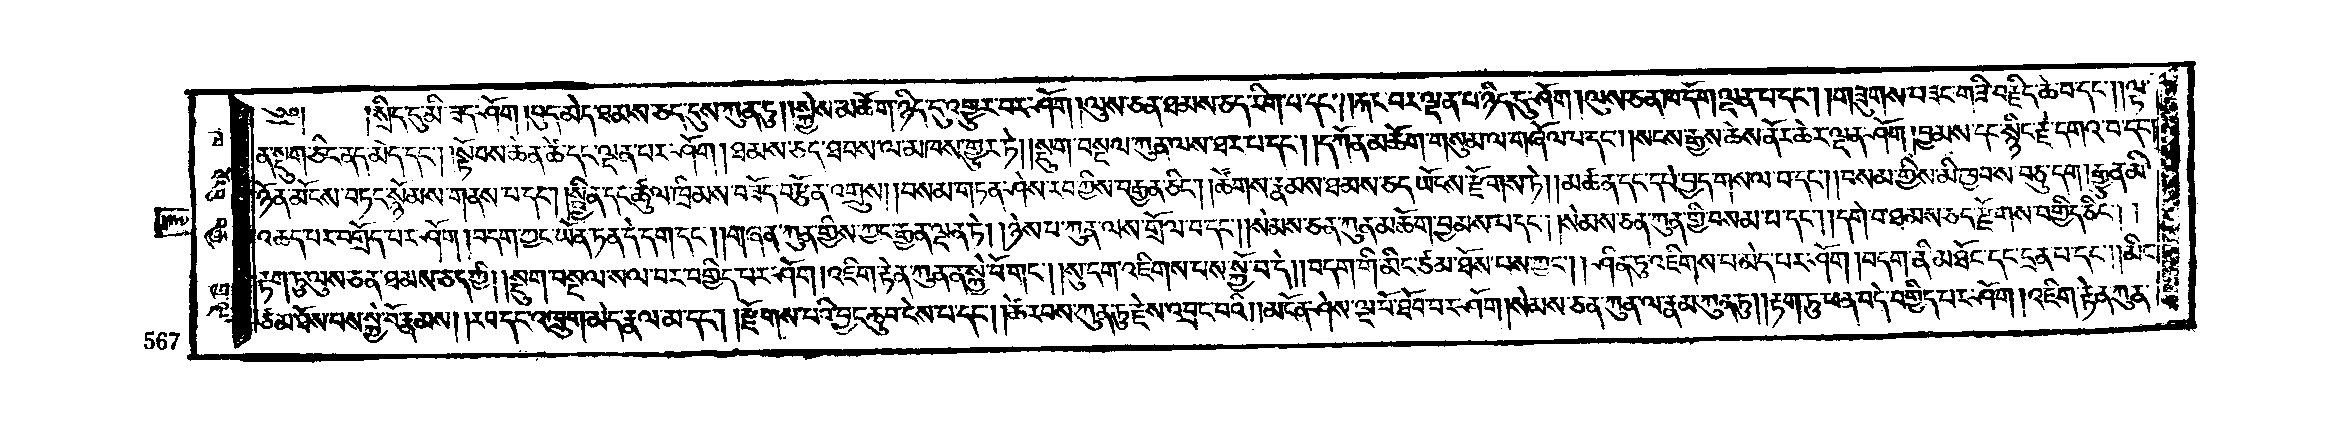༄༅། །སྲིད་དུ་མི་ཟད་ཤོག །བུད་མེད་ཐམས་ཅད་དུས་ཀུན་ཏུ། །སྐྱེས་མཆོག་ཉིད་དུ་འགྱུར་བར་ཤོག །ལུས་ཅན་ཐམས་ཅད་རིག་པ་དང་། །རྐང་བར་ལྡན་པ་ཉིད་དུ་ཤོག །ལུས་ཅན་ཁ་དོག་ལྡན་པ་དང་། །གཟུགས་བཟང་གཟི་བརྗིད་ཆེ་བ་དང་། །ལྟ་
ན་སྡུག་ཅིང་ནད་མེད་དང་། །སྟོབས་ཆེན་ཚེ་དང་ལྡན་པར་ཤོག །ཐམས་ཅད་ཐབས་ལ་མཁས་གྱུར་ཏེ། །སྡུག་བསྔལ་ཀུན་ལས་ཐར་པ་དང་། །དཀོན་མཆོག་གསུམ་ལ་གཞོལ་བ་དང་། །སངས་རྒྱས་ཆོས་ནོར་ཆེར་ལྡན་ཤོག །བྱམས་དང་སྙིང་རྗེ་དགའ་བ་དང་།
ཉོན་མོངས་བཏང་སྙོམས་གནས་པ་དང་། །སྦྱིན་དང་ཚུལ་ཁྲིམས་བཟོད་བརྩོན་འགྲུས། །བསམ་གཏན་ཤེས་རབ་ཀྱིས་བརྒྱན་ཅིང་། །ཚོགས་རྣམས་ཐམས་ཅད་ཡོངས་རྫོགས་ཏེ། །མཚན་དང་དཔེ་བྱད་གསལ་བ་དང་། །བསམ་གྱིས་མི་ཁྱབ་ས་བཅུ་དག །རྒྱུན་མི་
འཆད་པར་བགྲོད་པར་ཤོག །བདག་ཀྱང་ཡོན་ཏན་དེ་དག་དང་། །གཞན་ཀུན་གྱིས་ཀྱང་རྒྱན་ལྡན་ཏེ། །ཉེས་པ་ཀུན་ལས་གྲོལ་བ་དང་། །སེམས་ཅན་ཀུན་མཆོག་བྱམས་པ་དང་། །སེམས་ཅན་ཀུན་གྱི་བསམ་པ་དང་། །དགེ་བ་ཐམས་ཅད་རྫོགས་བགྱིད་ཅིང་། །
རྟག་ཏུ་ལུས་ཅན་ཐམས་ཅད་ཀྱི། །སྡུག་བསྔལ་སེལ་བར་བགྱིད་པར་ཤོག །འཇིག་རྟེན་ཀུན་ན་སྐྱེ་བོ་གང་། །སུ་དག་འཇིགས་པས་སྐྱོ་བ་དེ། །བདག་གི་མིང་ཙམ་ཐོས་པས་ཀྱང་། །ཤིན་ཏུ་འཇིགས་པ་མེད་པར་ཤོག །བདག་ནི་མཐོང་དང་དྲན་པ་དང་། །མིང་
ཙམ་ཐོས་པས་སྐྱེ་བོ་རྣམས། །རབ་དང་འཁྲུག་མེད་རྣལ་མ་དང་། །རྫོགས་པའི་བྱང་ཆུབ་ངེས་པ་དང་། །ཚེ་རབས་ཀུན་ཏུ་རྗས་འབྲང་བའི། །མངོན་ཤེས་ལྔ་པོ་ཐོབ་པར་ཤོག །སེམས་ཅན་ཀུན་ལ་རྣམ་ཀུན་ཏུ། །རྟག་ཏུ་ཕན་བདེ་བགྱིད་པར་ཤོག །འཇིག་རྟེན་ཀུན་